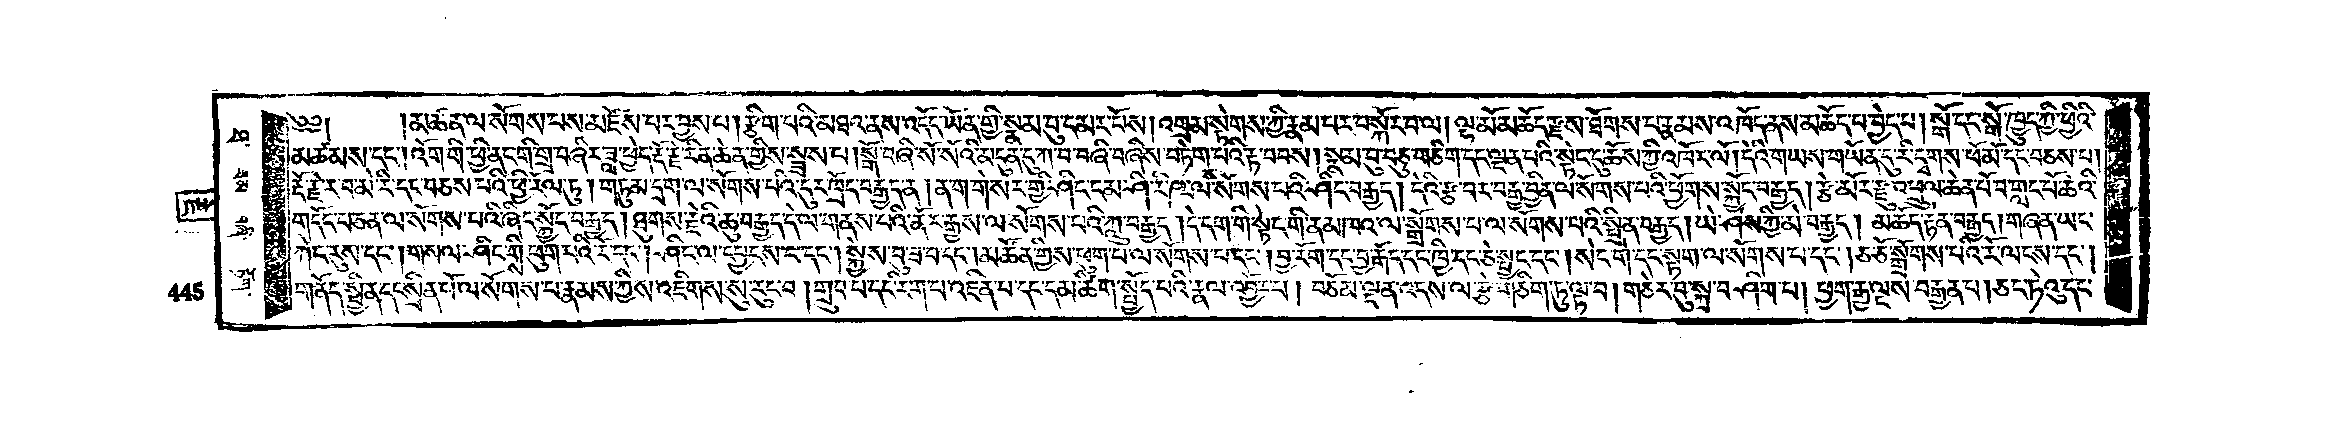༄༅། །མཚན་ལ་སོགས་པས་མཛེས་པར་བྱས་པ། རྩིག་པའི་མཐའ་ནས་འདོད་ཡོན་གྱི་སྣམ་བུ་དམར་པོས། འགྲམ་སྟེགས་ཀྱི་རྣམ་པར་བསྐོར་བ་ལ། ལྷ་མོ་མཆོད་རྫས་ཐོགས་པ་རྣམས་འཁོད་ནས་མཆོད་པ་བྱེད་པ། སྒོ་དང་སྒོ་ཁྱུད་ཀྱི་ཕྱིའི་
མཚམས་དང་། འོག་གི་ཕྱི་ནང་གི་གྲྭ་བཞིར་ཟླ་ཕྱེད་རྡོ་རྗེ་རིན་ཆེན་གྱིས་སྦྲས་པ། སྒོ་བཞི་སོ་སོའི་མདུན་དུ་ཀ་བ་བཞི་བཞིས་བཏེག་པའི་རྟ་བབས། སྣམ་བུ་བཅུ་གཅིག་དང་ལྡན་པའི་སྟེང་དུ་ཆོས་ཀྱི་འཁོར་ལོ། དེའི་གཡས་གཡོན་དུ་རི་དྭགས་ཕོ་མོ་དང་བཅས་པ།
རྡོ་རྗེ་ར་བ་མེ་རི་དང་བཅས་པའི་ཕྱི་རོལ་ཏུ། གཏུམ་དྲག་ལ་སོགས་པའི་དུར་ཁྲོད་བརྒྱད་ན། ན་ག་གེ་སར་གྱི་ཤིང་དམ་ཤི་རི་ཥ་ལ་སོགས་པའི་ཤིང་བརྒྱད། དེའི་རྩ་བར་བརྒྱ་བྱིན་ལ་སོགས་པའི་ཕྱོགས་སྐྱོང་བརྒྱད། རྩེ་མོར་རྫུ་འཕྲུལ་ཆེན་པོ་བ་གླང་པོ་ཆེའི་
གདོང་པ་ཅན་ལ་སོགས་པའི་ཞིང་སྐྱོང་བརྒྱད། ཐུགས་རྗེའི་ཆུ་བརྒྱད་དེ་ལ་གནས་པའི་ནོར་རྒྱས་ལ་སོགས་པའི་ཀླུ་བརྒྱད། དེ་དག་གི་སྟོང་གི་ནམ་མཁའ་ལ་སྒྲོགས་པ་ལ་སོགས་པའི་སྤྲིན་བརྒྱད། ཡེ་ཤེས་ཀྱི་མེ་བརྒྱད། མཆོད་རྟེན་བརྒྱད། གཞན་ཡང་
ཀེང་རུས་དང་། གསལ་ཤིང་གིས་ཕུག་པའི་རོ་དང་། ཤིང་ལ་དབྱངས་པ་དང་། སྐྱེས་བུ་ཟ་བ་དང་། མཚོན་གྱིས་ཕུག་པ་ལ་སོགས་པ་དང་། བྱ་རོག་དང་བྱ་རྒོད་དང་ཁྱི་དང་ཅེ་སྤྱང་དང་། སེང་གེ་དང་སྟག་ལ་སོགས་པ་དང་། ཅ་ཅོ་སྒྲོགས་པའི་རོ་ལངས་དང་།
གནོད་སྦྱིན་དང་སྲིན་པོ་ལ་སོགས་པ་རྣམས་ཀྱིས་འཇིགས་སུ་རུང་བ། གྲུབ་པ་དང་རིག་པ་འཛིན་པ་དང་དམ་ཚིག་སྤྱོད་པའི་རྣལ་འབྱོར་པ། བཅོམ་ལྡན་འདས་ལ་རྩེ་གཅིག་ཏུ་ལྟ་བ། གཅེར་བུ་སྐྲ་བཤིག་པ། ཕྱག་རྒྱ་ལྔས་བརྒྱན་པ། ཅང་ཏེའུ་དང་